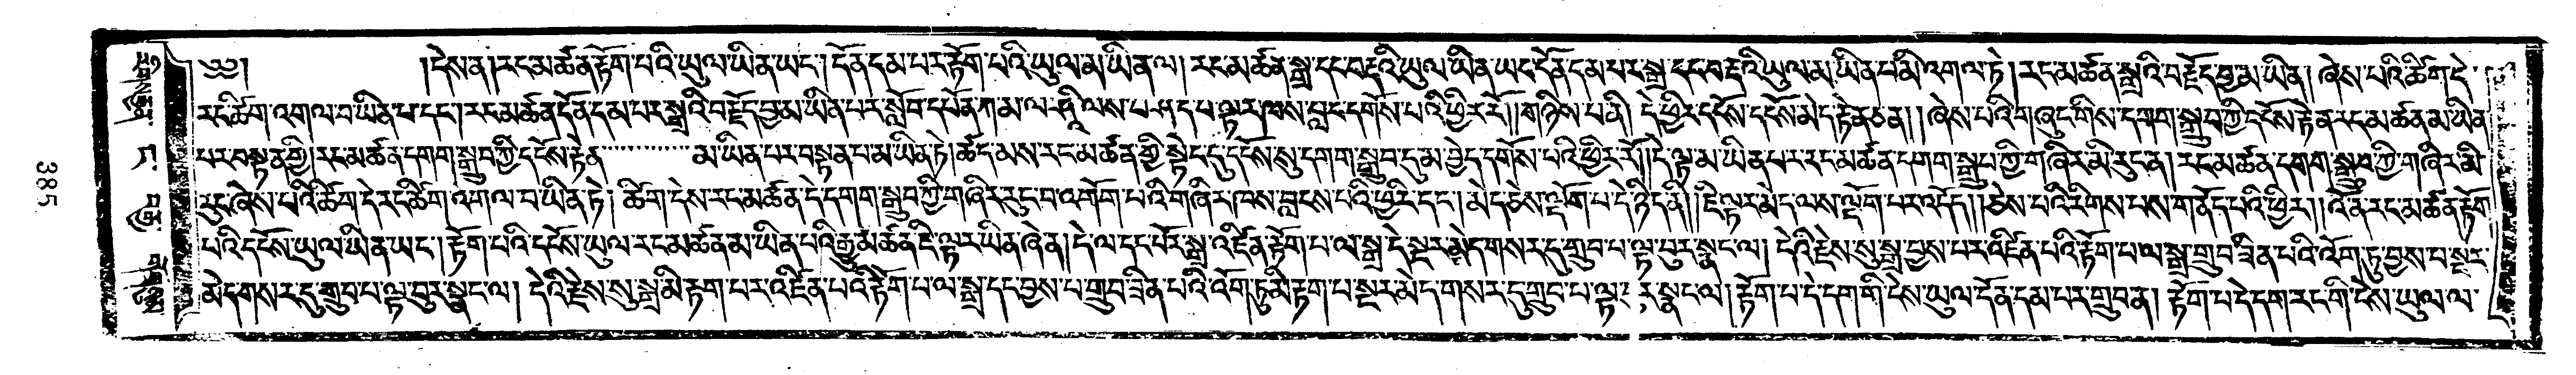༄༅། །དེས་ན། རང་མཚན་རྟོག་པའི་ཡུལ་ཡིན་ཡང་། དོན་དམ་པར་རྟོག་པའི་ཡུལ་མ་ཡིན་ལ། རང་མཚན་སྒྲ་དང་བརྡའི་ཡུལ་ཡིན་ཡང་དོན་དམ་པར་སྒྲ་དང་བརྡའི་ཡུལ་མ་ཡིན་པ་མི་འགལ་ཏེ། རང་མཚན་སྒྲའི་བརྗོད་བྱ་མ་ཡིན། ཞེས་པའི་ཚིག་དེ་
རང་ཚིག་འགལ་བ་ཡིན་པ་དང་། རང་མཚན་དོན་དམ་པར་སྒྲའི་བརྗོད་བྱ་མ་ཡིན་པར་སློབ་དཔོན་ཀ་མ་ལ་ཤཱི་ལས་བཤད་པ་ལྟར་ཁས་བླང་དགོས་པའི་ཕྱིར་རོ། །གཉིས་པ་ནི། དེ་ཕྱིར་དངོས་དངོས་མེད་རྟེན་ཅན། །ཞེས་པའི་གཞུང་གིས་དགག་སྒྲུབ་ཀྱི་དངོས་རྟེན་རང་མཚན་མ་ཡིན་
པར་བསྟན་གྱི། རང་མཚན་དགག་སྒྲུབ་ཀྱི་དངོས་རྟེན་མ་ཡིན་པར་བསྟན་པ་མ་ཡིན་ཏེ། ཚད་མས་རང་མཚན་གྱི་སྟེང་དུ་དངོས་སུ་དགག་སྒྲུབ་དུ་མ་བྱེད་དགོས་པའི་ཕྱིར་རོ། །དེ་ལྟ་མ་ཡིན་པར་རང་མཚན་དགག་སྒྲུབ་ཀྱི་གཞིར་མི་རུང་ན། རང་མཚན་དགག་སྒྲུབ་ཀྱི་གཞིར་མི་
རུང་ཞེས་པའི་ཚིག་དེ་རང་ཚིག་འགལ་བ་ཡིན་ཏེ། ཚིག་དེས་རང་མཚན་དེ་དགག་སྒྲུབ་ཀྱི་གཞིར་རུང་བ་འགོག་པའི་གཞིར་ཁས་བླངས་པའི་ཕྱིར་དང་། མེད་ཅེས་ལྡོག་པ་དེ་ཉིད་ནི། །ཇི་ལྟར་མེད་ལས་ལྡོག་པར་འདོད། །ཅེས་པའི་རིགས་པས་གནད་པའི་ཕྱིར། །འོ་ན་རང་མཚན་རྟོག་
པའི་དངོས་ཡུལ་ཡིན་ཡང་། རྟོག་པའི་དངོས་ཡུལ་རང་མཚན་མ་ཡིན་པའི་རྒྱུ་མཚན་ཇི་ལྟར་ཡིན་ཞེ་ན། དེ་ལ་དང་པོར་སྒྲ་འཛིན་རྟག་པ་ལ་སྒྲ་དེ་སྔར་མེད་གསར་དུ་གྲུབ་པ་ལྟ་བུར་སྣང་ལ། དེའི་རྗེས་སུ་སྒྲ་བྱས་པར་འཛིན་པའི་རྟོག་པ་ལ་སྒྲ་གྲུབ་ཟིན་པའི་འོག་ཏུ་བྱས་པ་སྔར་
མེད་གསར་དུ་གྲུབ་པ་ལྟ་བུར་སྣང་ལ། དེའི་རྗེས་སུ་སྒྲ་མི་རྟག་པར་འཛིན་པའི་རྟོག་པ་ལ་སྒྲ་དང་བྱས་པ་གྲུབ་ཟིན་པའི་འོག་ཏུ་མི་རྟག་པ་སྔར་མེད་གསར་དུ་གྲུབ་པ་ལྟ་བུར་སྣང་ལ། རྟོག་པ་དེ་དག་གི་ངེས་ཡུལ་དོན་དམ་པར་གྲུབ་ན། རྟོག་པ་དེ་དག་རང་གི་ངེས་ཡུལ་ལ་